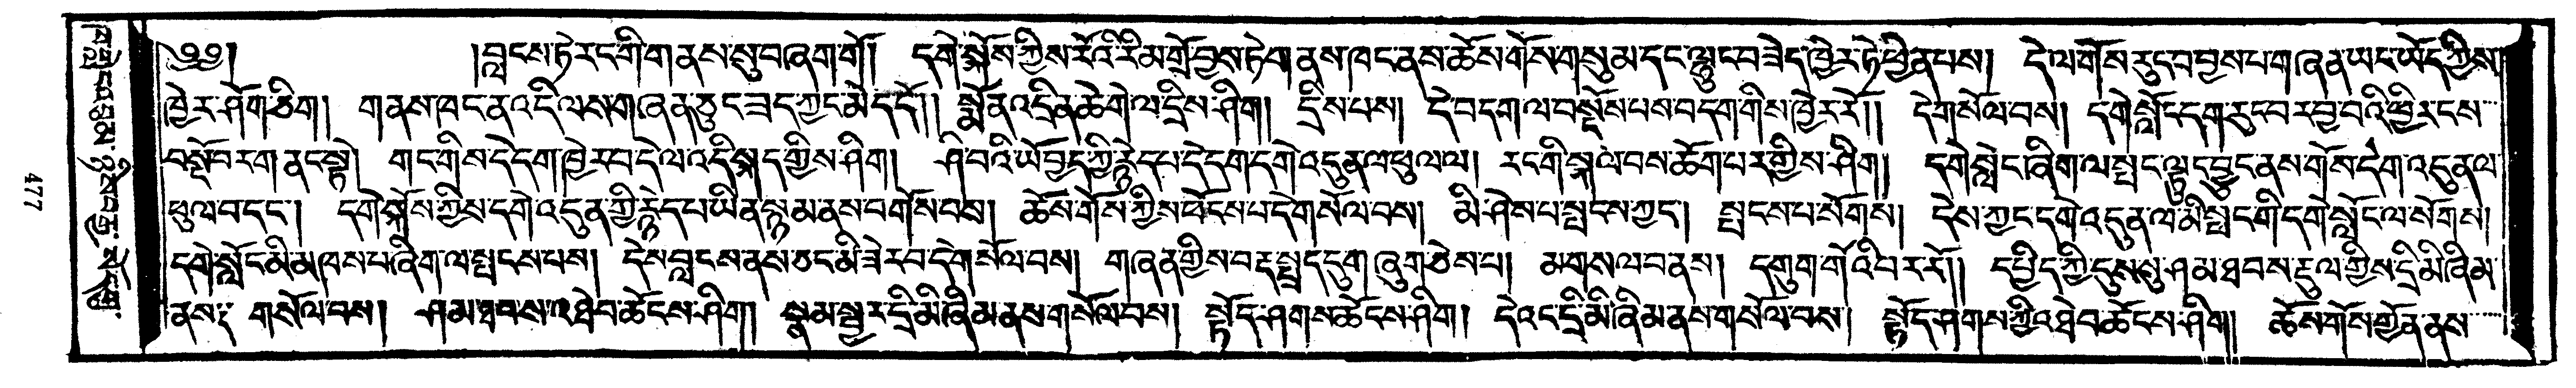༄༅། །བླངས་ཏེ་རང་གི་གནས་སུ་བཞག་གོ། དགེ་སྐོས་ཀྱིས་རོའི་རིམ་གྲོ་བྱས་ཏེ་གནས་ཁང་ནས་ཆོས་གོས་གསུམ་དང་ལྷུང་བཟེད་ཁྱེར་ཏེ་ཕྱིན་པས། དེ་ལ་གོས་རུང་བ་བྱས་པ་གཞན་ཡང་ཡོད་ཀྱིས་
ཁྱེར་ཤོག་ཅིག། གནས་ཁང་ན་འདི་ལས་གཞན་ཅུང་ཟད་ཀྱང་མེད་དོ། །སྨོན་འདྲིན་ཆེ་གེ་ལ་དྲིས་ཤིག། དྲིས་པས། དེ་བདག་ལ་བསྔོས་པས་བདག་གིས་ཁྱེར་རོ།། དེ་གསོལ་བས། དགེ་སློང་དག་རུང་བར་བྱ་བའི་ཕྱིར་ངས་
བསྔོ་བར་གནང་སྟེ། གང་གིས་དེ་དག་ཁྱེར་བ་དེ་ལ་འདི་སྐ་གྱིས་ཤིག། ཤི་བའི་ཡོ་བྱད་ཀྱི་རྙེད་པ་དེ་དག་དགེ་འདུན་ལ་ཕུལ་ལ། རང་གི་སྐལ་བས་ཆོག་པར་གྱིས་ཤིག། དགེ་སློང་ཞིག་ལ་སྤང་ལྟུང་བྱུང་ནས་གོས་དགེ་འདུན་ལ་
ཕུལ་བ་དང་། དགེ་སྐོས་ཀྱིས་དགེ་འདུན་གྱི་རྙེད་པ་ཡིན་སྙམ་ནས་བགོས་པས། ཆོས་གོས་ཀྱིས་ཕོངས་པ་དེ་གསོལ་བས། མི་ཤེས་པ་སྤངས་ཀྱང་། སྤངས་པ་སོགས། དེས་ཀྱང་དགེ་འདུན་ལ་མི་སྤང་གི་དགེ་སློང་ལ་སོགས།
དགེ་སློང་མི་མཁས་པ་ཞིག་ལ་སྤངས་པས། དེས་བླངས་ནས་ཅང་མི་ཟེར་བ་དེ་གསོལ་བས། གཞན་གྱིས་བརྡ་སྤྲད་དུ་གཞུག་ཅེས་པ། མ་གསལ་བ་ནས། དགུག་གོའི་བར་རོ།། དཔྱིད་ཀྱི་དུས་སུ་ཤམ་ཐབས་རྡུལ་གྱིས་དྲི་མི་ཞིམ་
ནས༑ གསོལ་བས། ཤམ་ཐབས་འཐེབ་ཆོངས་ཤིག། སྣམ་སྦྱར་དྲི་མི་ཞིམ་ནས་གསོལ་བས། སྟོད་ཤགས་ཆོངས་ཤིག། དེའང་དྲི་མི་ཞིམ་ནས་གསོལ་བས། སྟོད་ཤགས་ཀྱི་འཐེབ་ཆོངས་ཤིག། ཆོས་གོས་གྱོན་ནས་